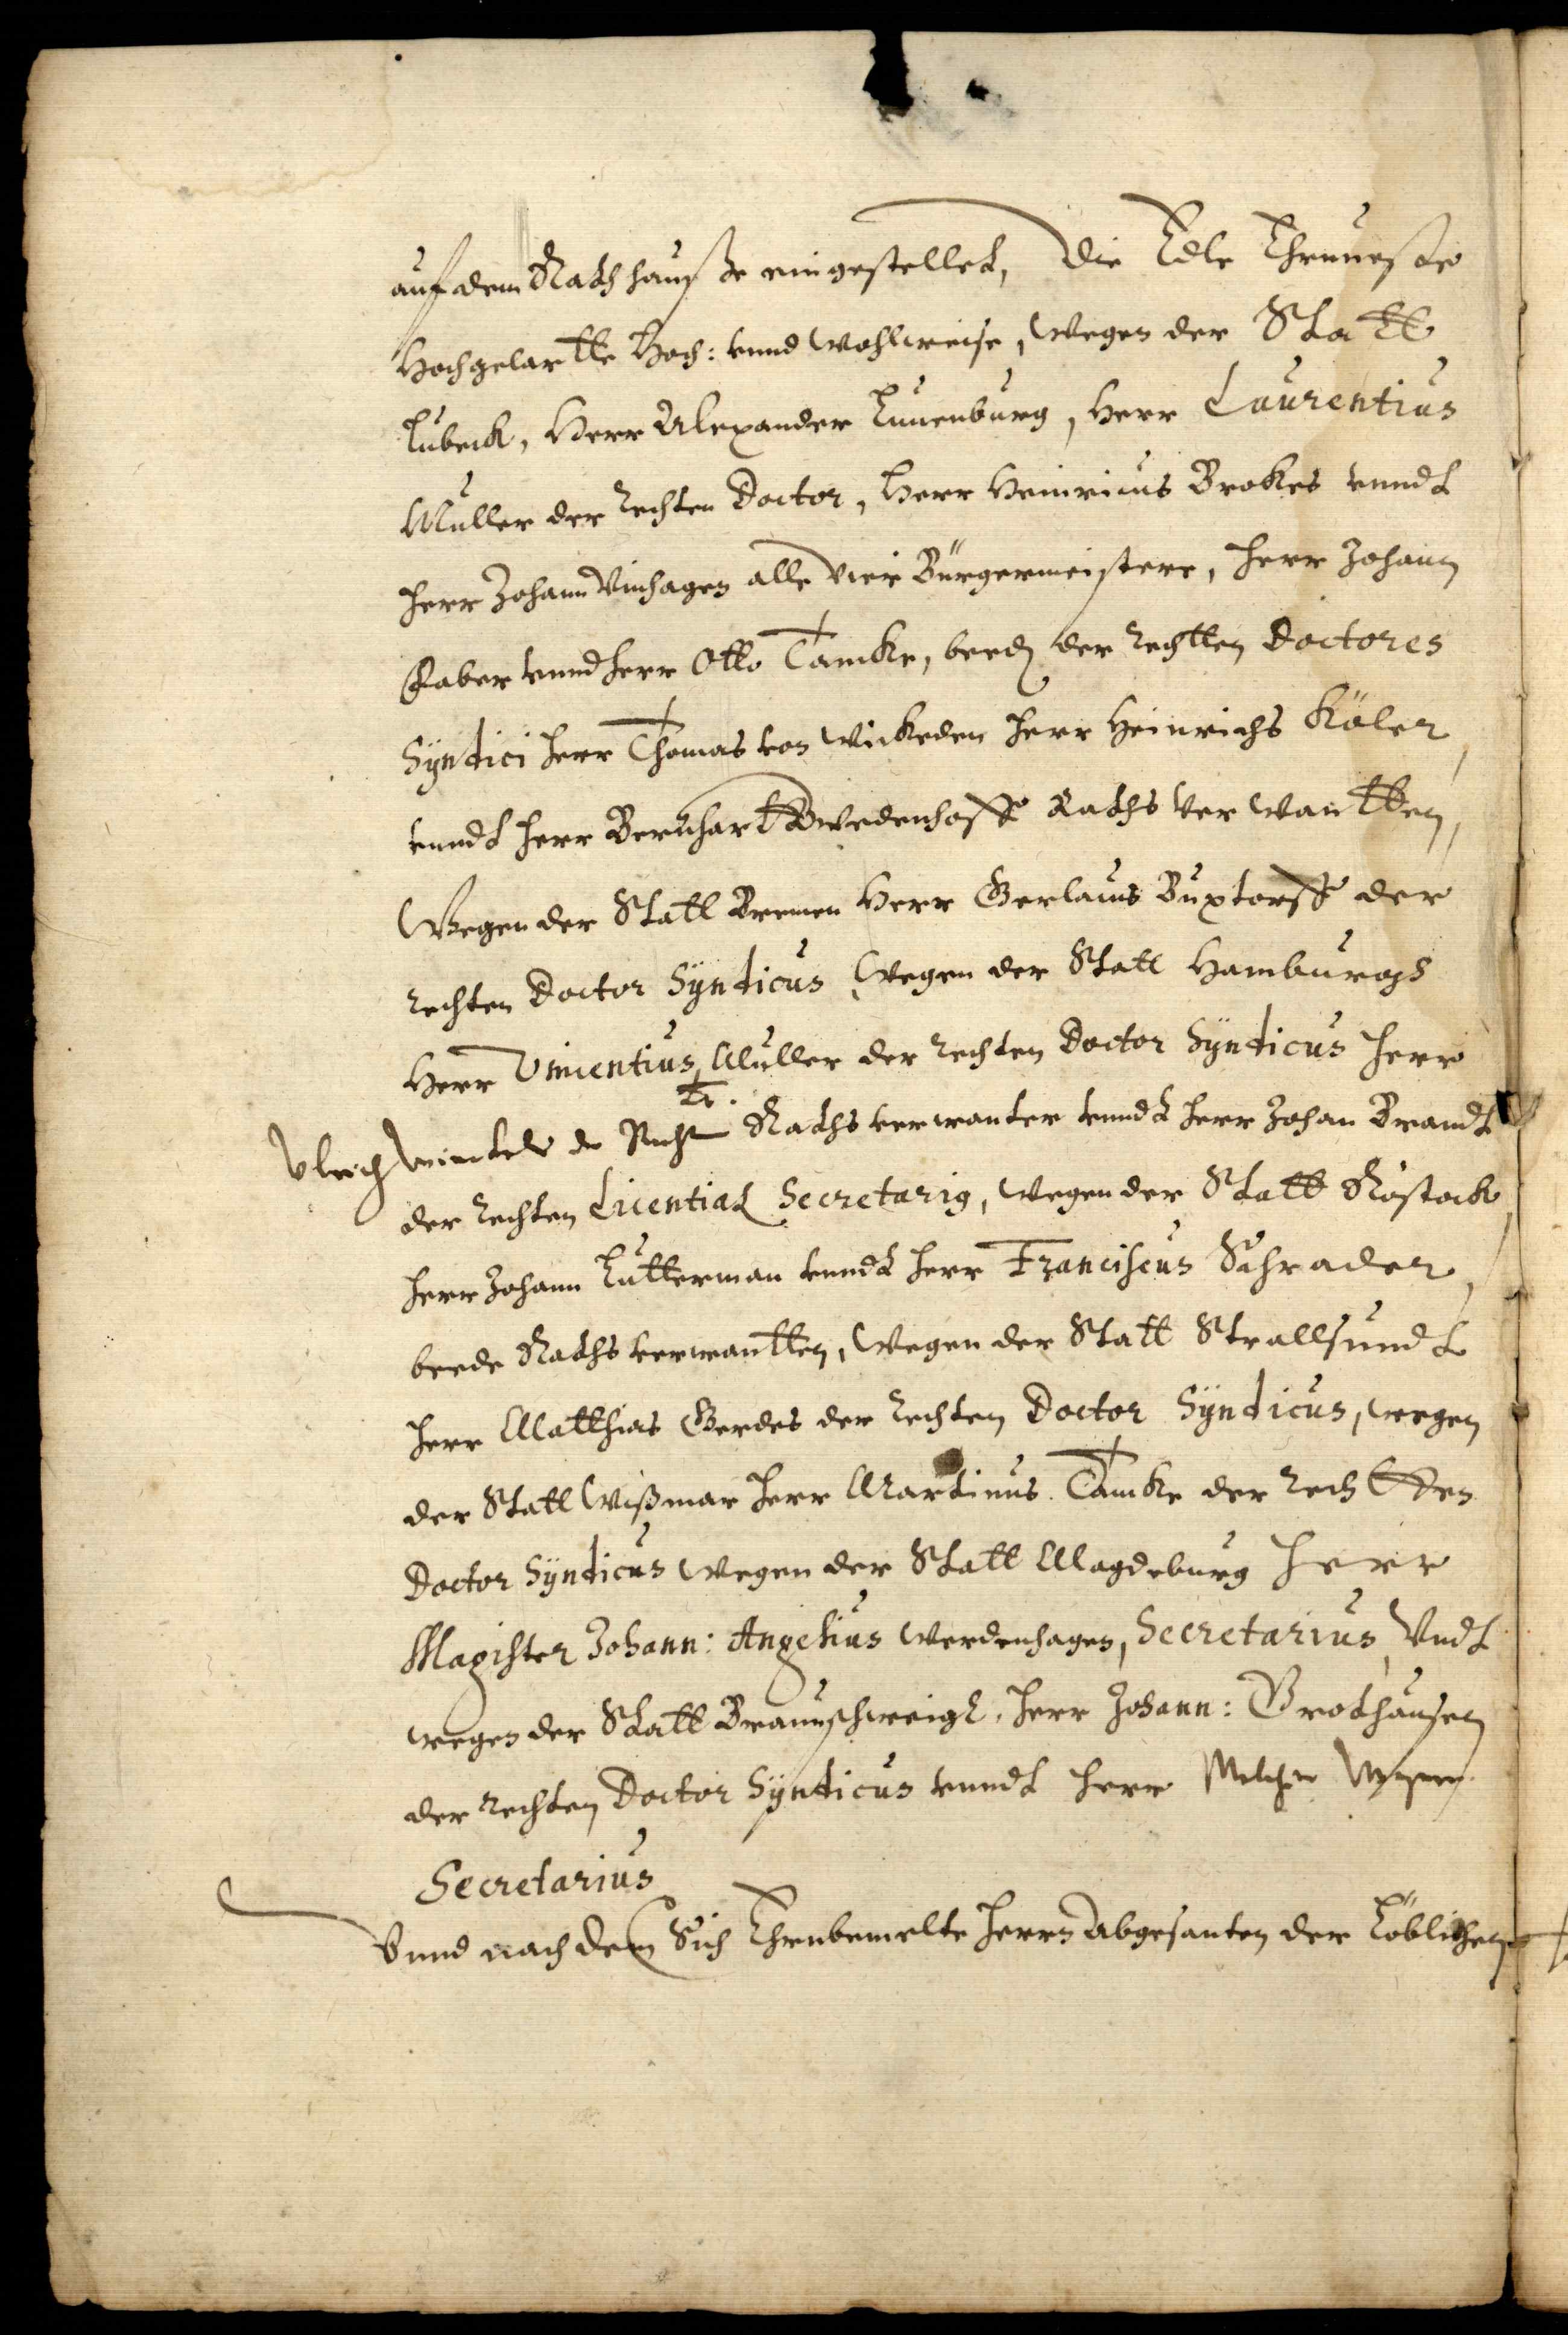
auf dem Rathhauße eingestellet, die Edle Ehrnveste
hochgelartte Hoch: vnnd Wohlwiese, Wegen der Statt
Lubeck, Herr Alexander Lunenburg, Herr Laurentius
Muller der Rechten Doctor, Herr Heinricus Brokes vnndt
herr Iohann Vinhagen alle Vier Bürgermeisterr, herr Iohann
Faber vnnd herr Otto Tancke, beeden der rechtten Doctores
Sijndici herr Thomas von Wickeden herr Heinrichs Köler,
vnndt herr Bernhartt Wedenhoff Raths Verwantten,
Wegen der Statt Bremen Herr Gerlaus Buxtorff der
rechten Doctor Sijndicus, Wegen der Statt Hamburgh
Herr Vincentius Muller der rechten Doctor Sijndicus herr
Li.
Vlrich Winckel der Rechten Rathsverwanter vnndt herr Iohan Brandt
der rechten Licentiat Secretarius, Wegen der Statt Rostock
herr Iohann Luttermann vnndt herr Franciscus Schrader,
beede Rathsverwantten, Wegen der Statt Strallsundt
herr Matthias Gerdes der rechten Doctor Sijndicus, wegen
der Statt Wißmar herr Martinus Tancke der rechtten
Doctor Sijndicus Wegen der Statt Magdeburg herr
Magister Johann: Angelius Werdenhagen, Secretarius Vndt
wegen der Statt Braunschweigh, herr Iohann: Grothausen
der Rechten Doctor Sijndicus vnndt herr Melchor Wegen
Secretarius
Vnnd nachdem Sich Ehrnbemelte herrn Abgesanten der Löblichen
